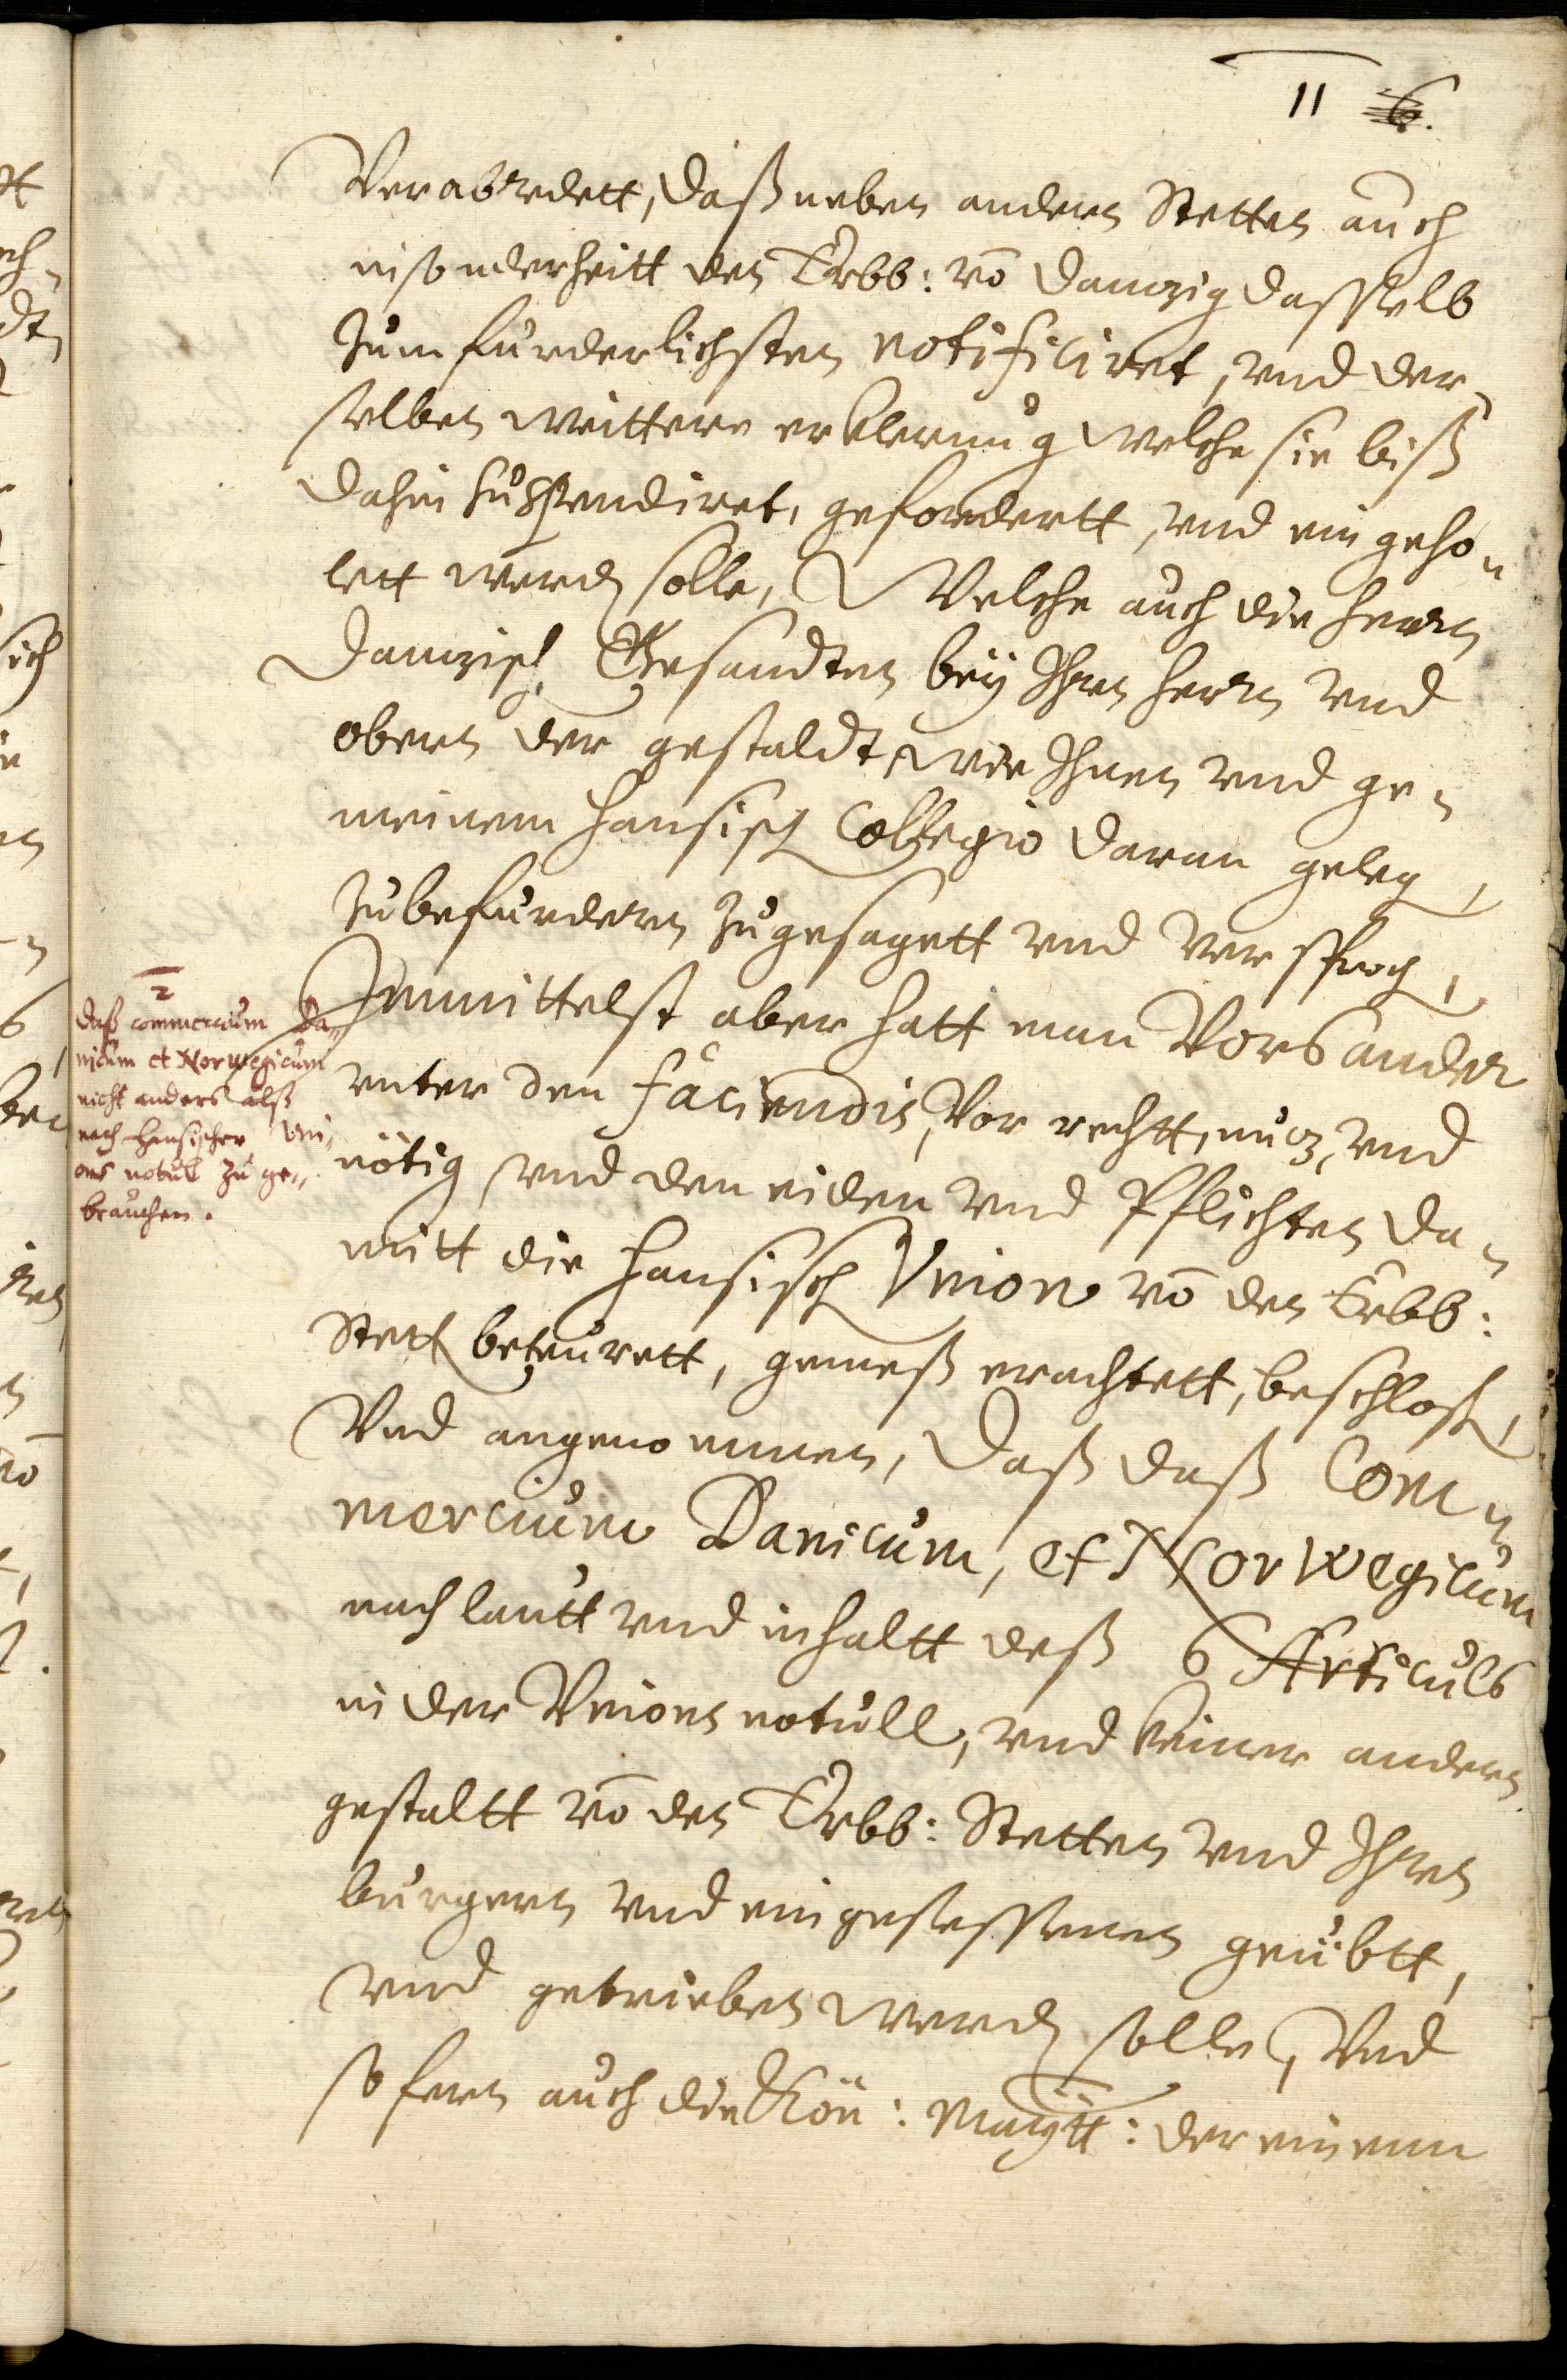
11 6.
Verabredett, daß neben andern Stetten auch
insonderheitt den Erbb: von Dantzig dasselb
zum furderlichsten notificiret, vnd der¬
selben weittern erklerung welche sie biß
dahin suspendiret, gefordertt, vnd ein geho¬
lett werden solle, Welche auch die herrn
Dantzischen Gesandten beij Ihren herrn vnd
obern der gestaldt, wie Ihnen vnd ge¬
meinem Hansischen Collegio daran gelegen,
zu befurdern zugesagett vnd versprochen,
2
daß commercium Da¬
nicum et Norwegicum
nicht anders alß
nach hansischer Uni¬
ons notul zu ge¬
brauchen.
Immittelst aber hatt nun Vors ander
vnter den faciendis, vor rechtt, nutz, vnd
nötig, vnd den eiden vnd Pflichten da¬
mitt die Hansischen Union von den Erbb:
Stetten beteurett, gemeß erachtett, beschloßen,
Vnd angenommen, daß daß Com¬
mercium Danicum, et Norwegicum
nach lautt vnd inhaltt deß 6 Articuls
in der Vnions notull, vnd keiner andern
gestaltt von den Erbb: Stetten vnd Ihren
burgern vnd eingesessenen geübtt,
vnd getrieben werden solle, Vnd
so fern auch die Kön: Maijtt: der einenn
